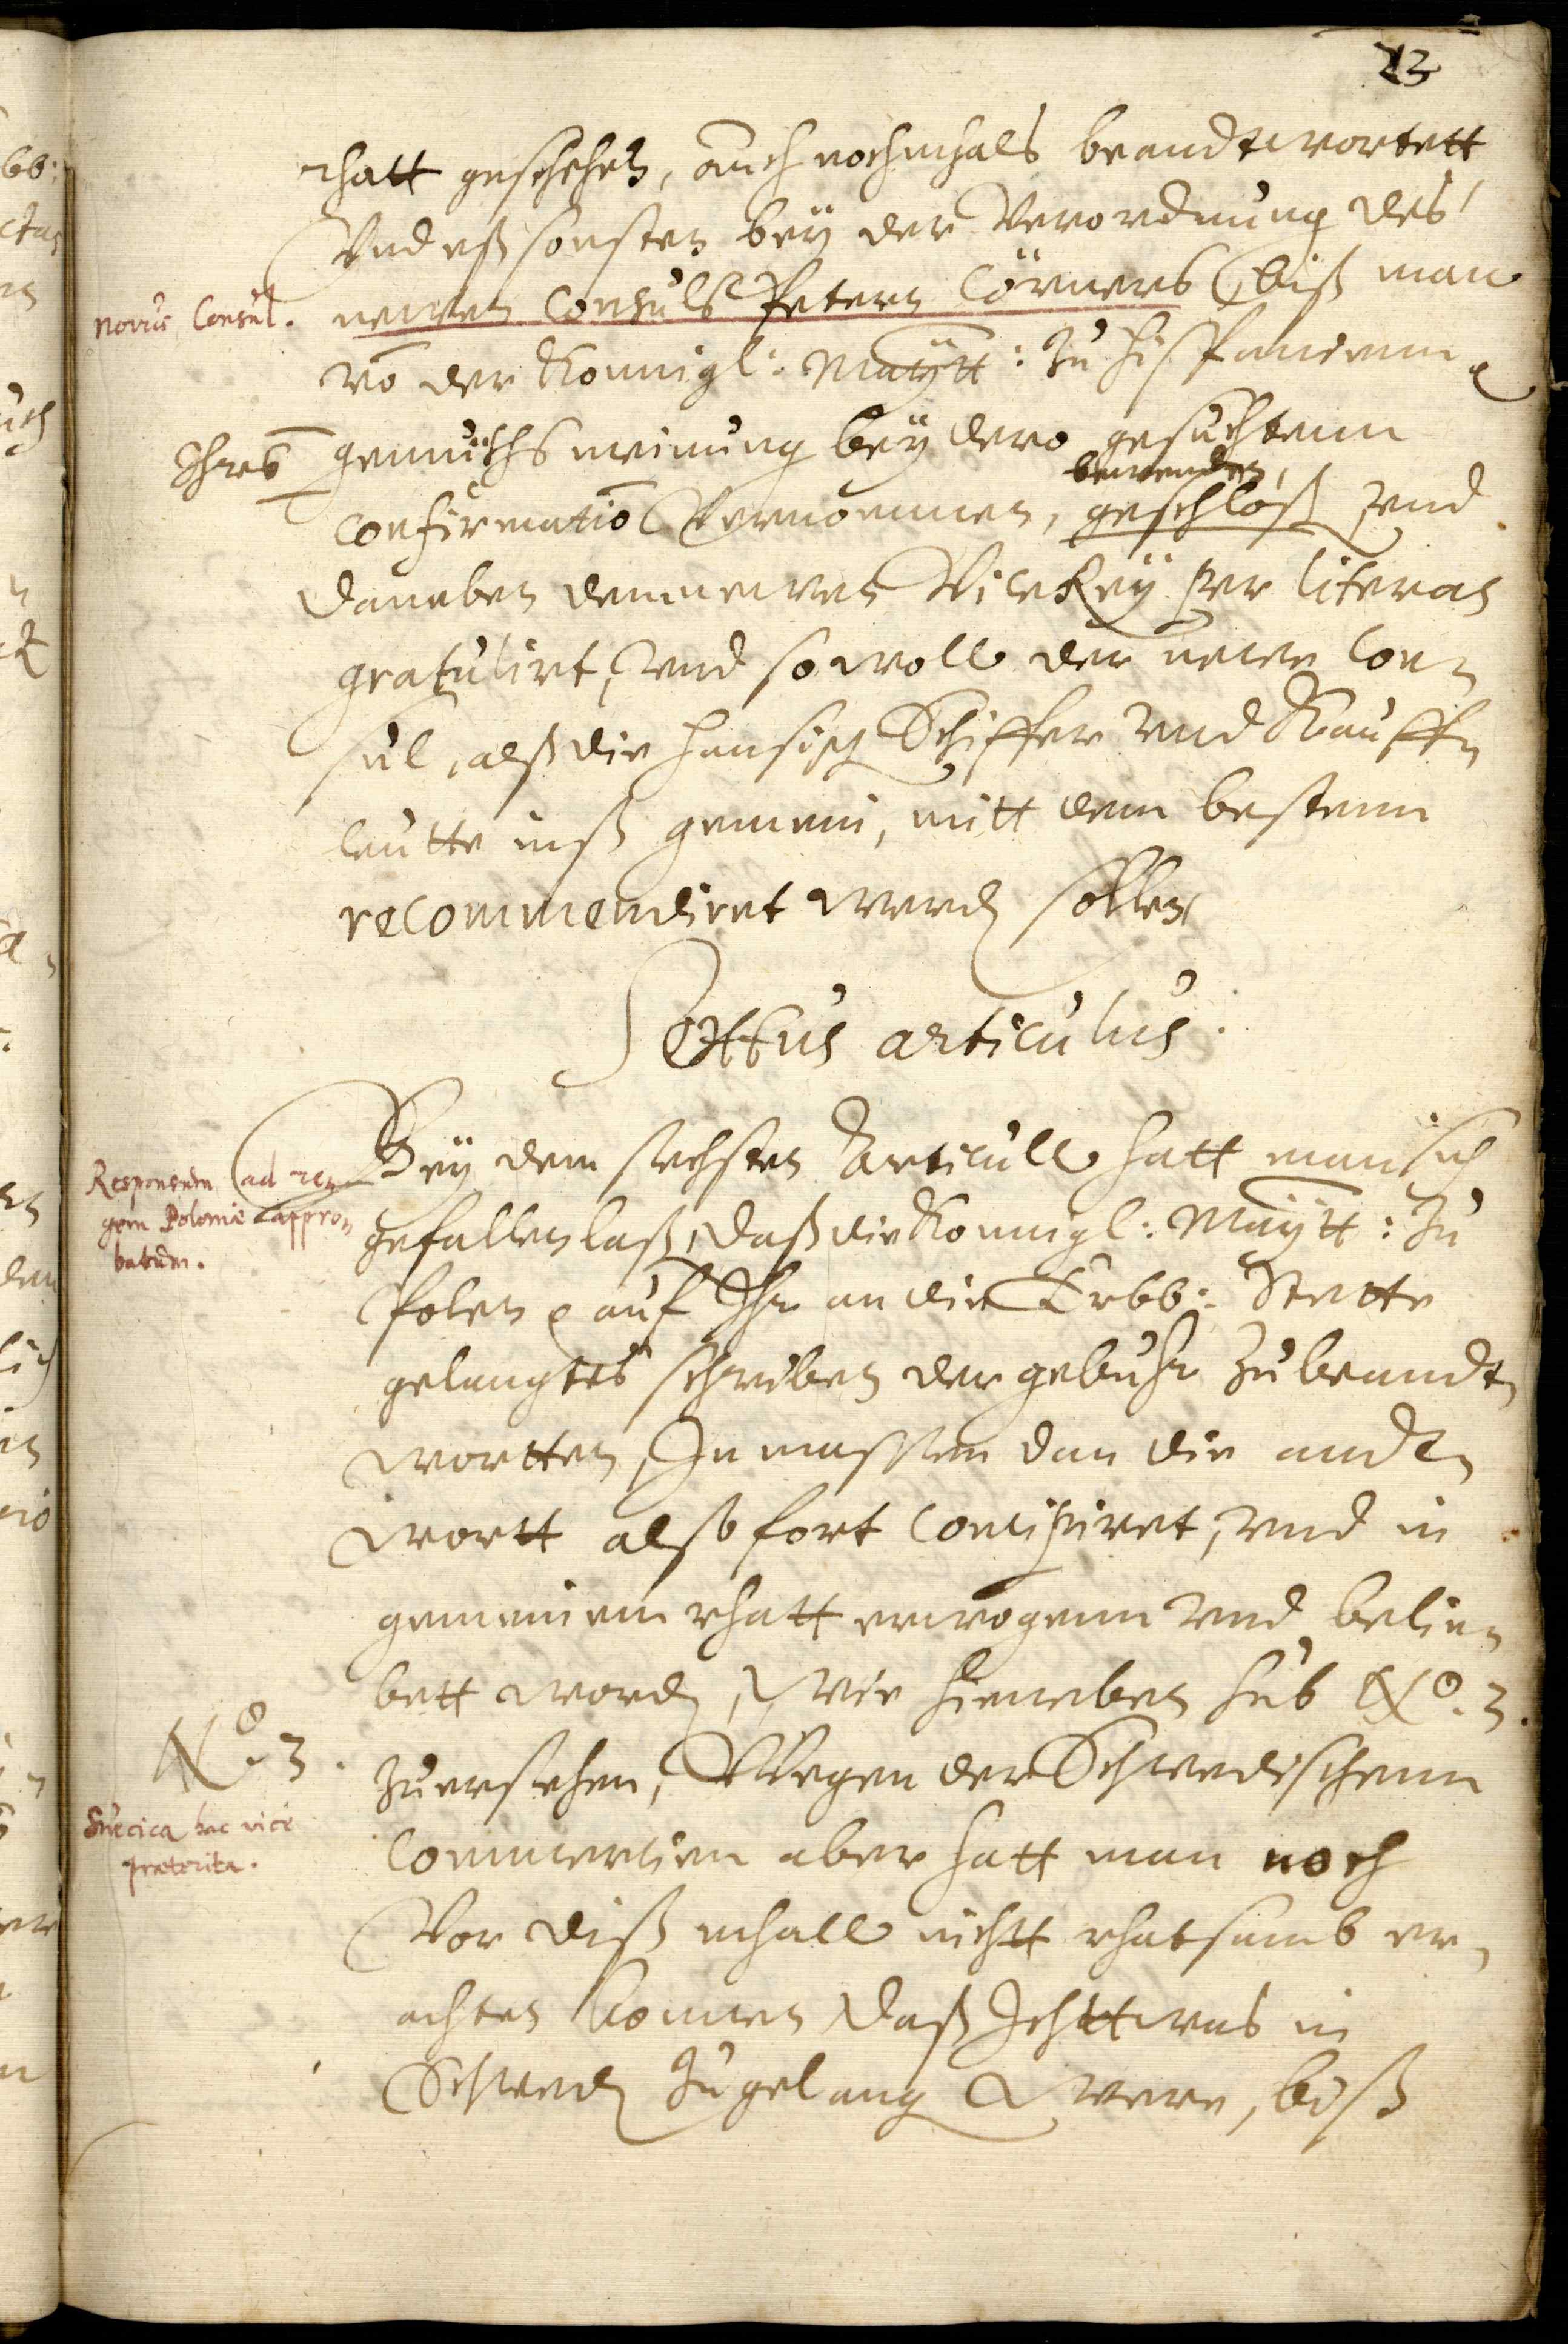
23
hatt geschehen, auch nochmhals beandtwortett
vnd eß sonsten beij der Verordnung des
newen Consuls Petern Cörners, biß man
von der Konnigl: Maijtt: zu Hispanienn p
Ihres gemüths meinung beij dero gesuchtenn
bewenden
confirmation vernommen, geschloßen vnd
daneben dem newem Vice Reij per Literas
gratulirt, vnd so woll der newe Con¬
sul, alß die hansischen Schiffer vnd Kauff¬
leutte inß gemein, mitt dem bestenn
recommendiret werden sollen,
novus Consul.
Sextus articulus.
Beij dem sechsten Articull hatt man sich
gefallen laßen, daß die Konngl: Maijtt: zu¬
Polen p auf Ihr an die Erbb: Stette
gelangtes schreiben der gebuhr zu beandt¬
wortten, In massen dan die andt¬
wortt also fort concipiret, vnd in
gemeinem rhatt erwogenn vnd belie¬
bett worden, Wie hieneben sub No.3
zuersehen, Wegen der Schwedischenn
Commercien aber hatt man noch
Vor diß mhall nichtt rhatsamb er¬
achten konnen, daß Jchttwas in
Schweden zu gelangen were, biß
Responsum ad re¬
gem Poloniae appro¬
batum.
No. 3.
Suecica hac vice
praeterita.
